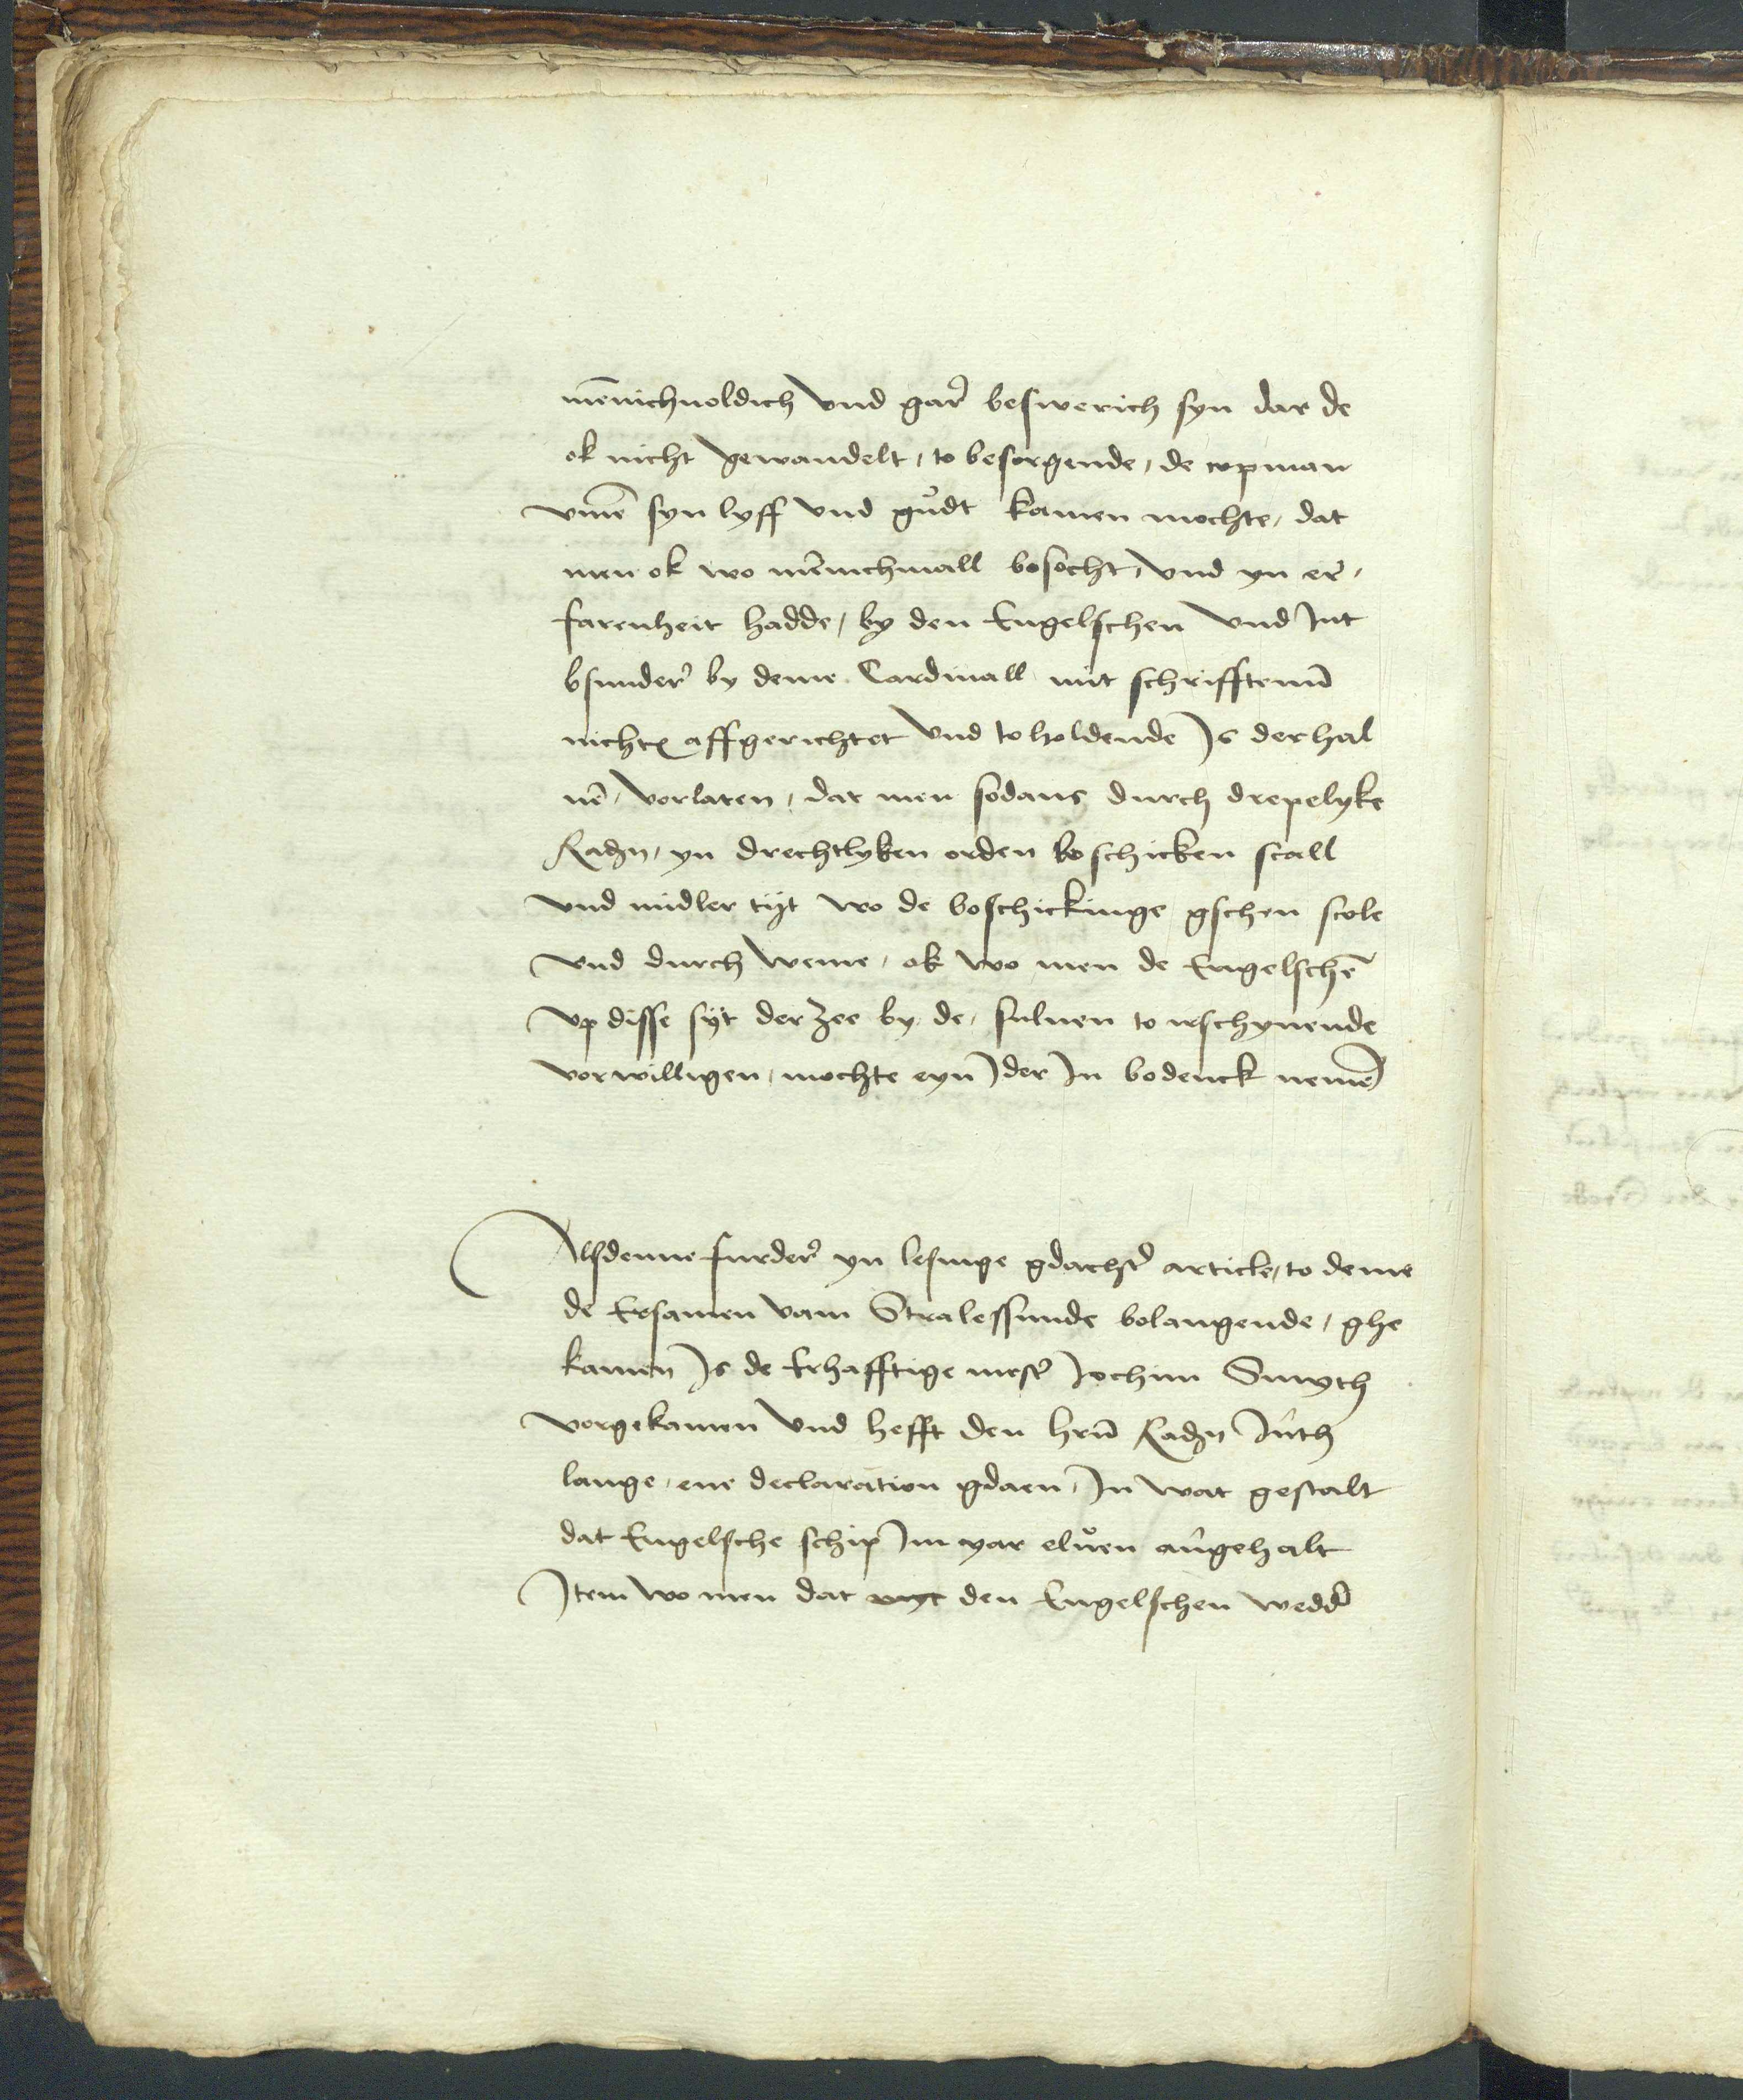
mennichvoldich vnd gar beswerich syn dar de
ok nicht gewandelt, to besorgende, de copman
vmme syn lyff vnd gudt kamen mochte, dat
men ok wo mennichmall bosocht, vnd yn er¬
farenheit hadde, by den Engelschen vnd Int
bsunder by deme Cardinall mit schrifftenn
nichte affgerichtet vnd to holdende Js derhal¬
uen, vorlaten, dat men sodans durch drepelyke
Radessendebaden, yn drechtlyken orden boschicken scall
vnd midler tijt wo de boschickinge gschen scole
vnd durch weme, ok wo men de Engelschen
vp disse sijt der Zee by de, suluen to irschynende
vorwilligen, mochte eyn Jder Jn bodenck nemen
Alsdenne furder yn lesinge gdachter article, to deme
de Ersamen van Stralessunde bolangende, ghe¬
kamen Js de Erhafftige mester Jochim Smyth
vorgekamen vnd hefft den hern Radessendebaden Jnth
lange, ene declaration gdaen, Jn wat gestalt
dat Engelsche schip Im yar eluen angehalt
Item wo men dat myt den Engelschen wedder
